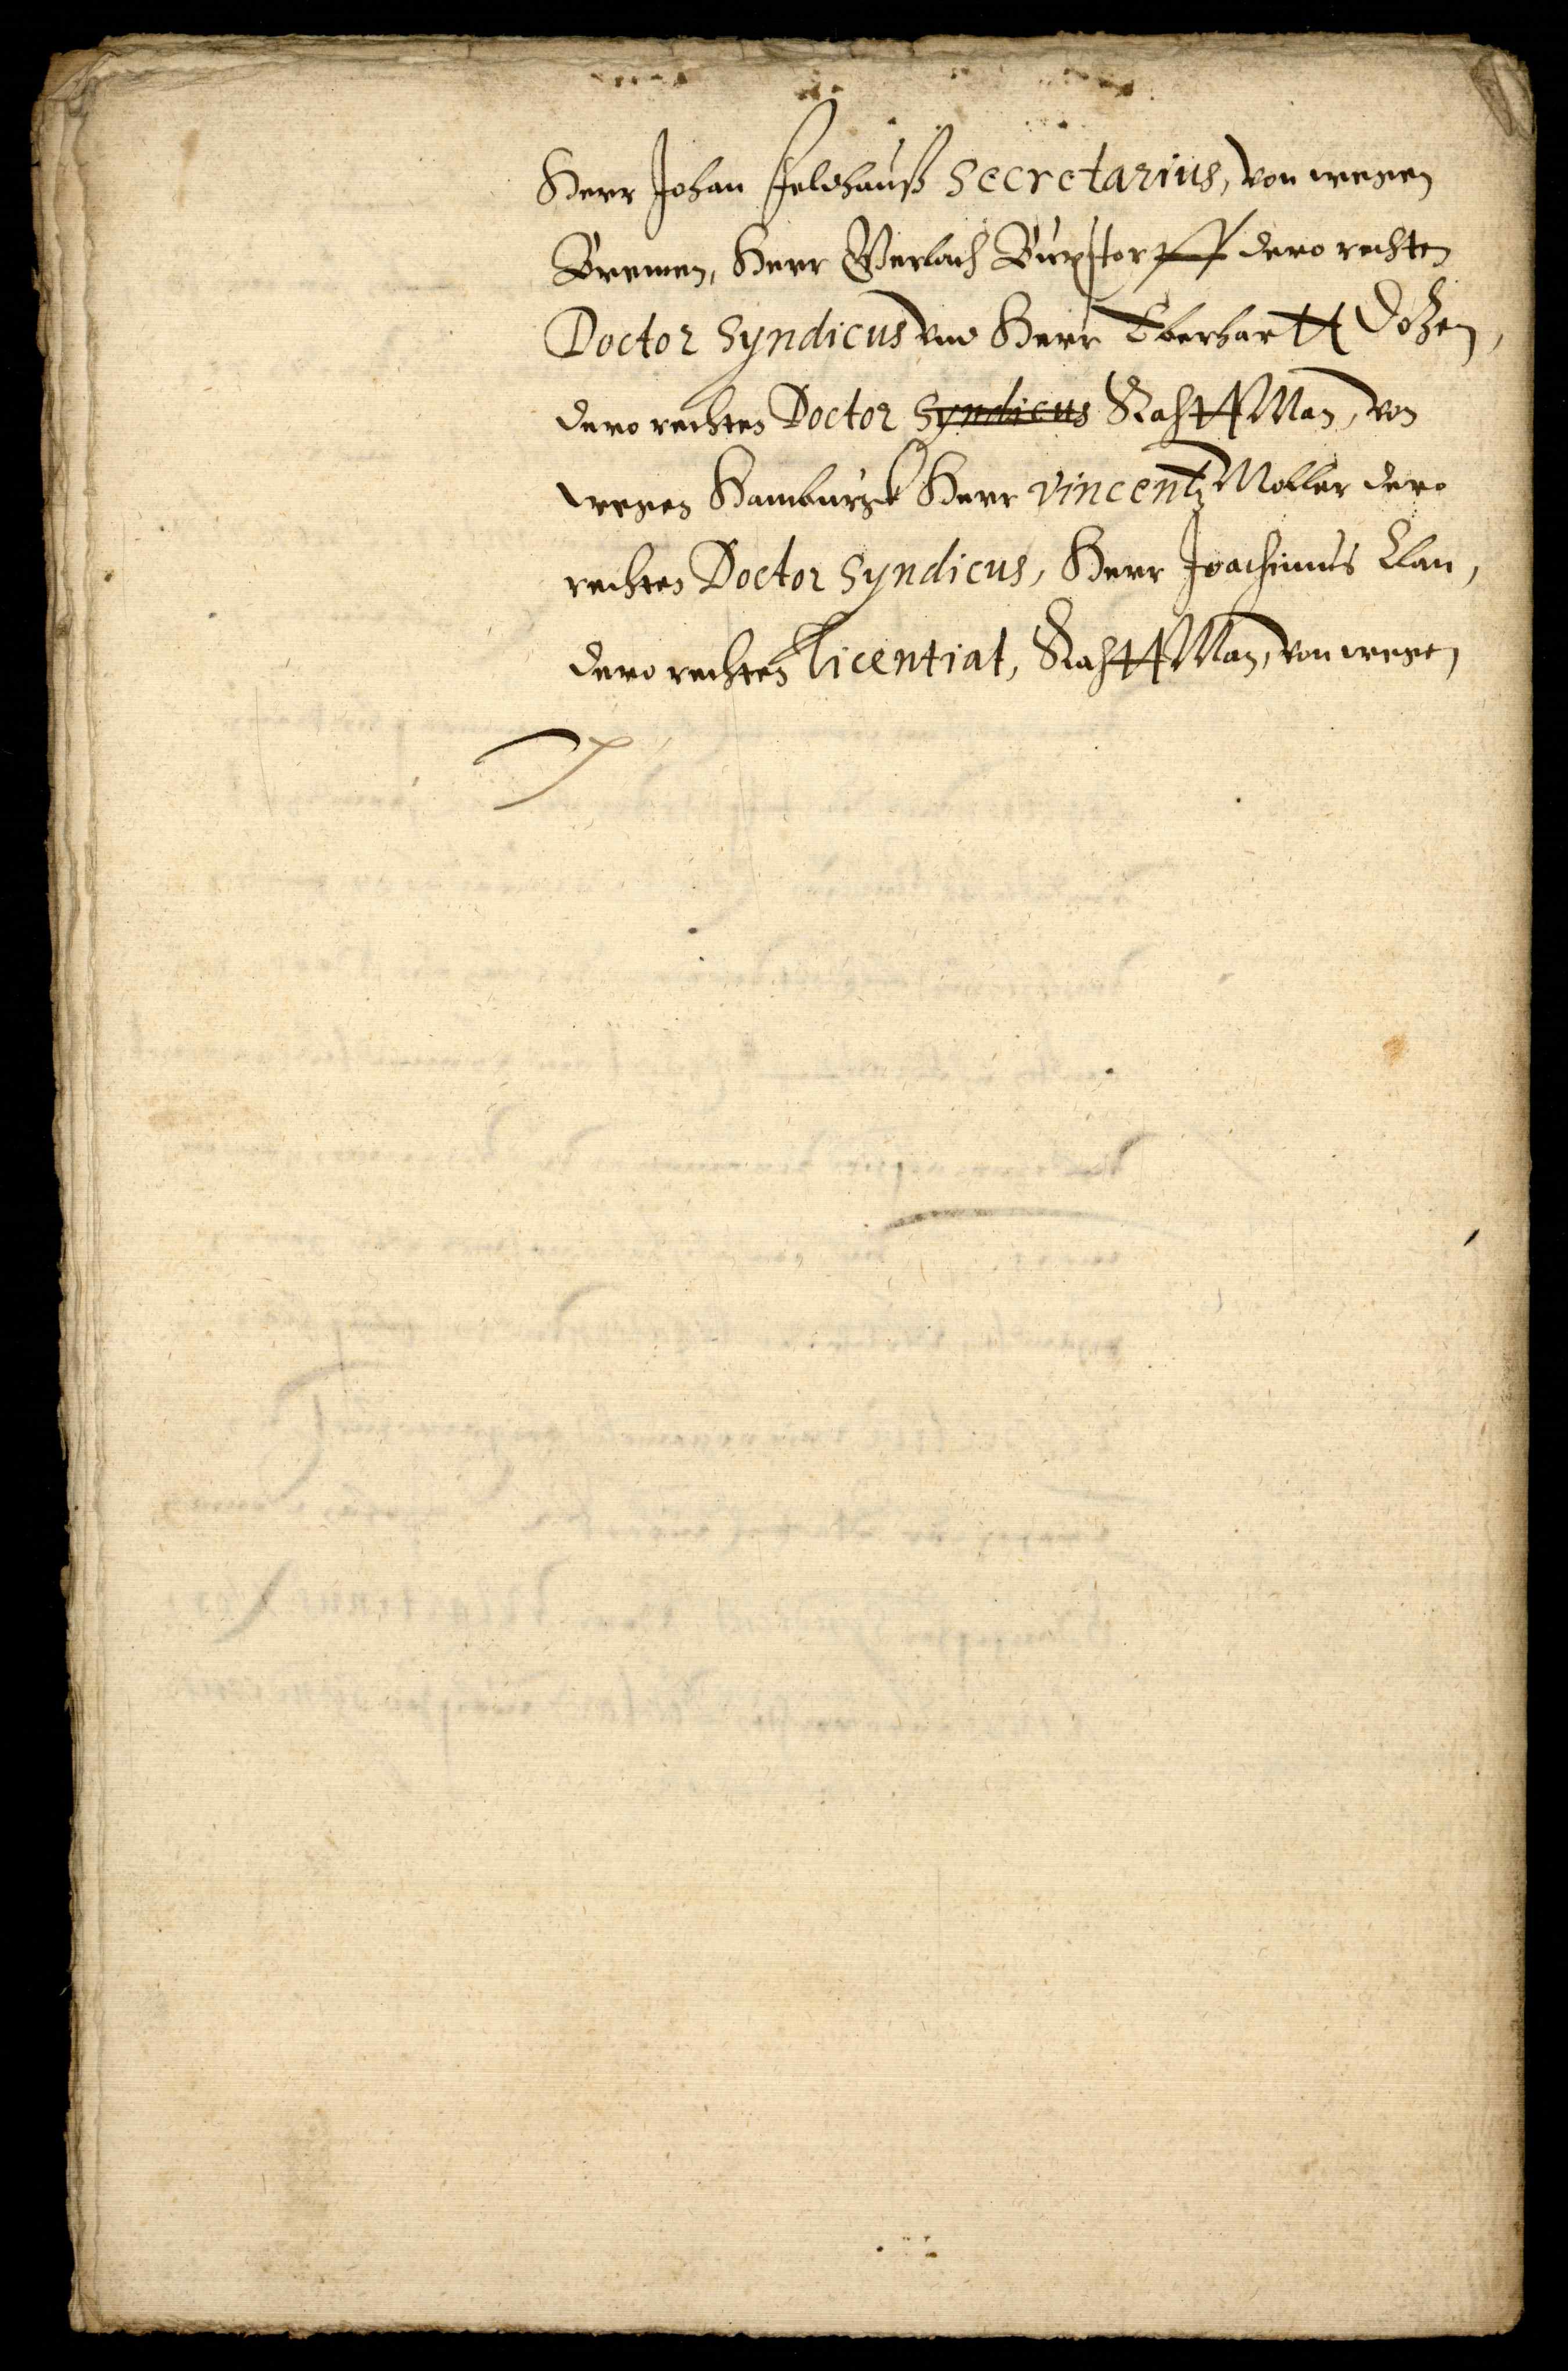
Herr Johan Feldhauß secretarius, von wegen
Bremen, Herr Gerlach Buxstorff dero rechten
Doctor syndicus vnd Herr Eberhartt Dozen,
dero rechten Doctor syndicus Rahttman, von
wegen Hamburgk Herr vincentz Moller dero
rechten Doctor syndicus, Herr Joachimus Clan,
dero rechten licentiat, Rahttman, von wegen
p
